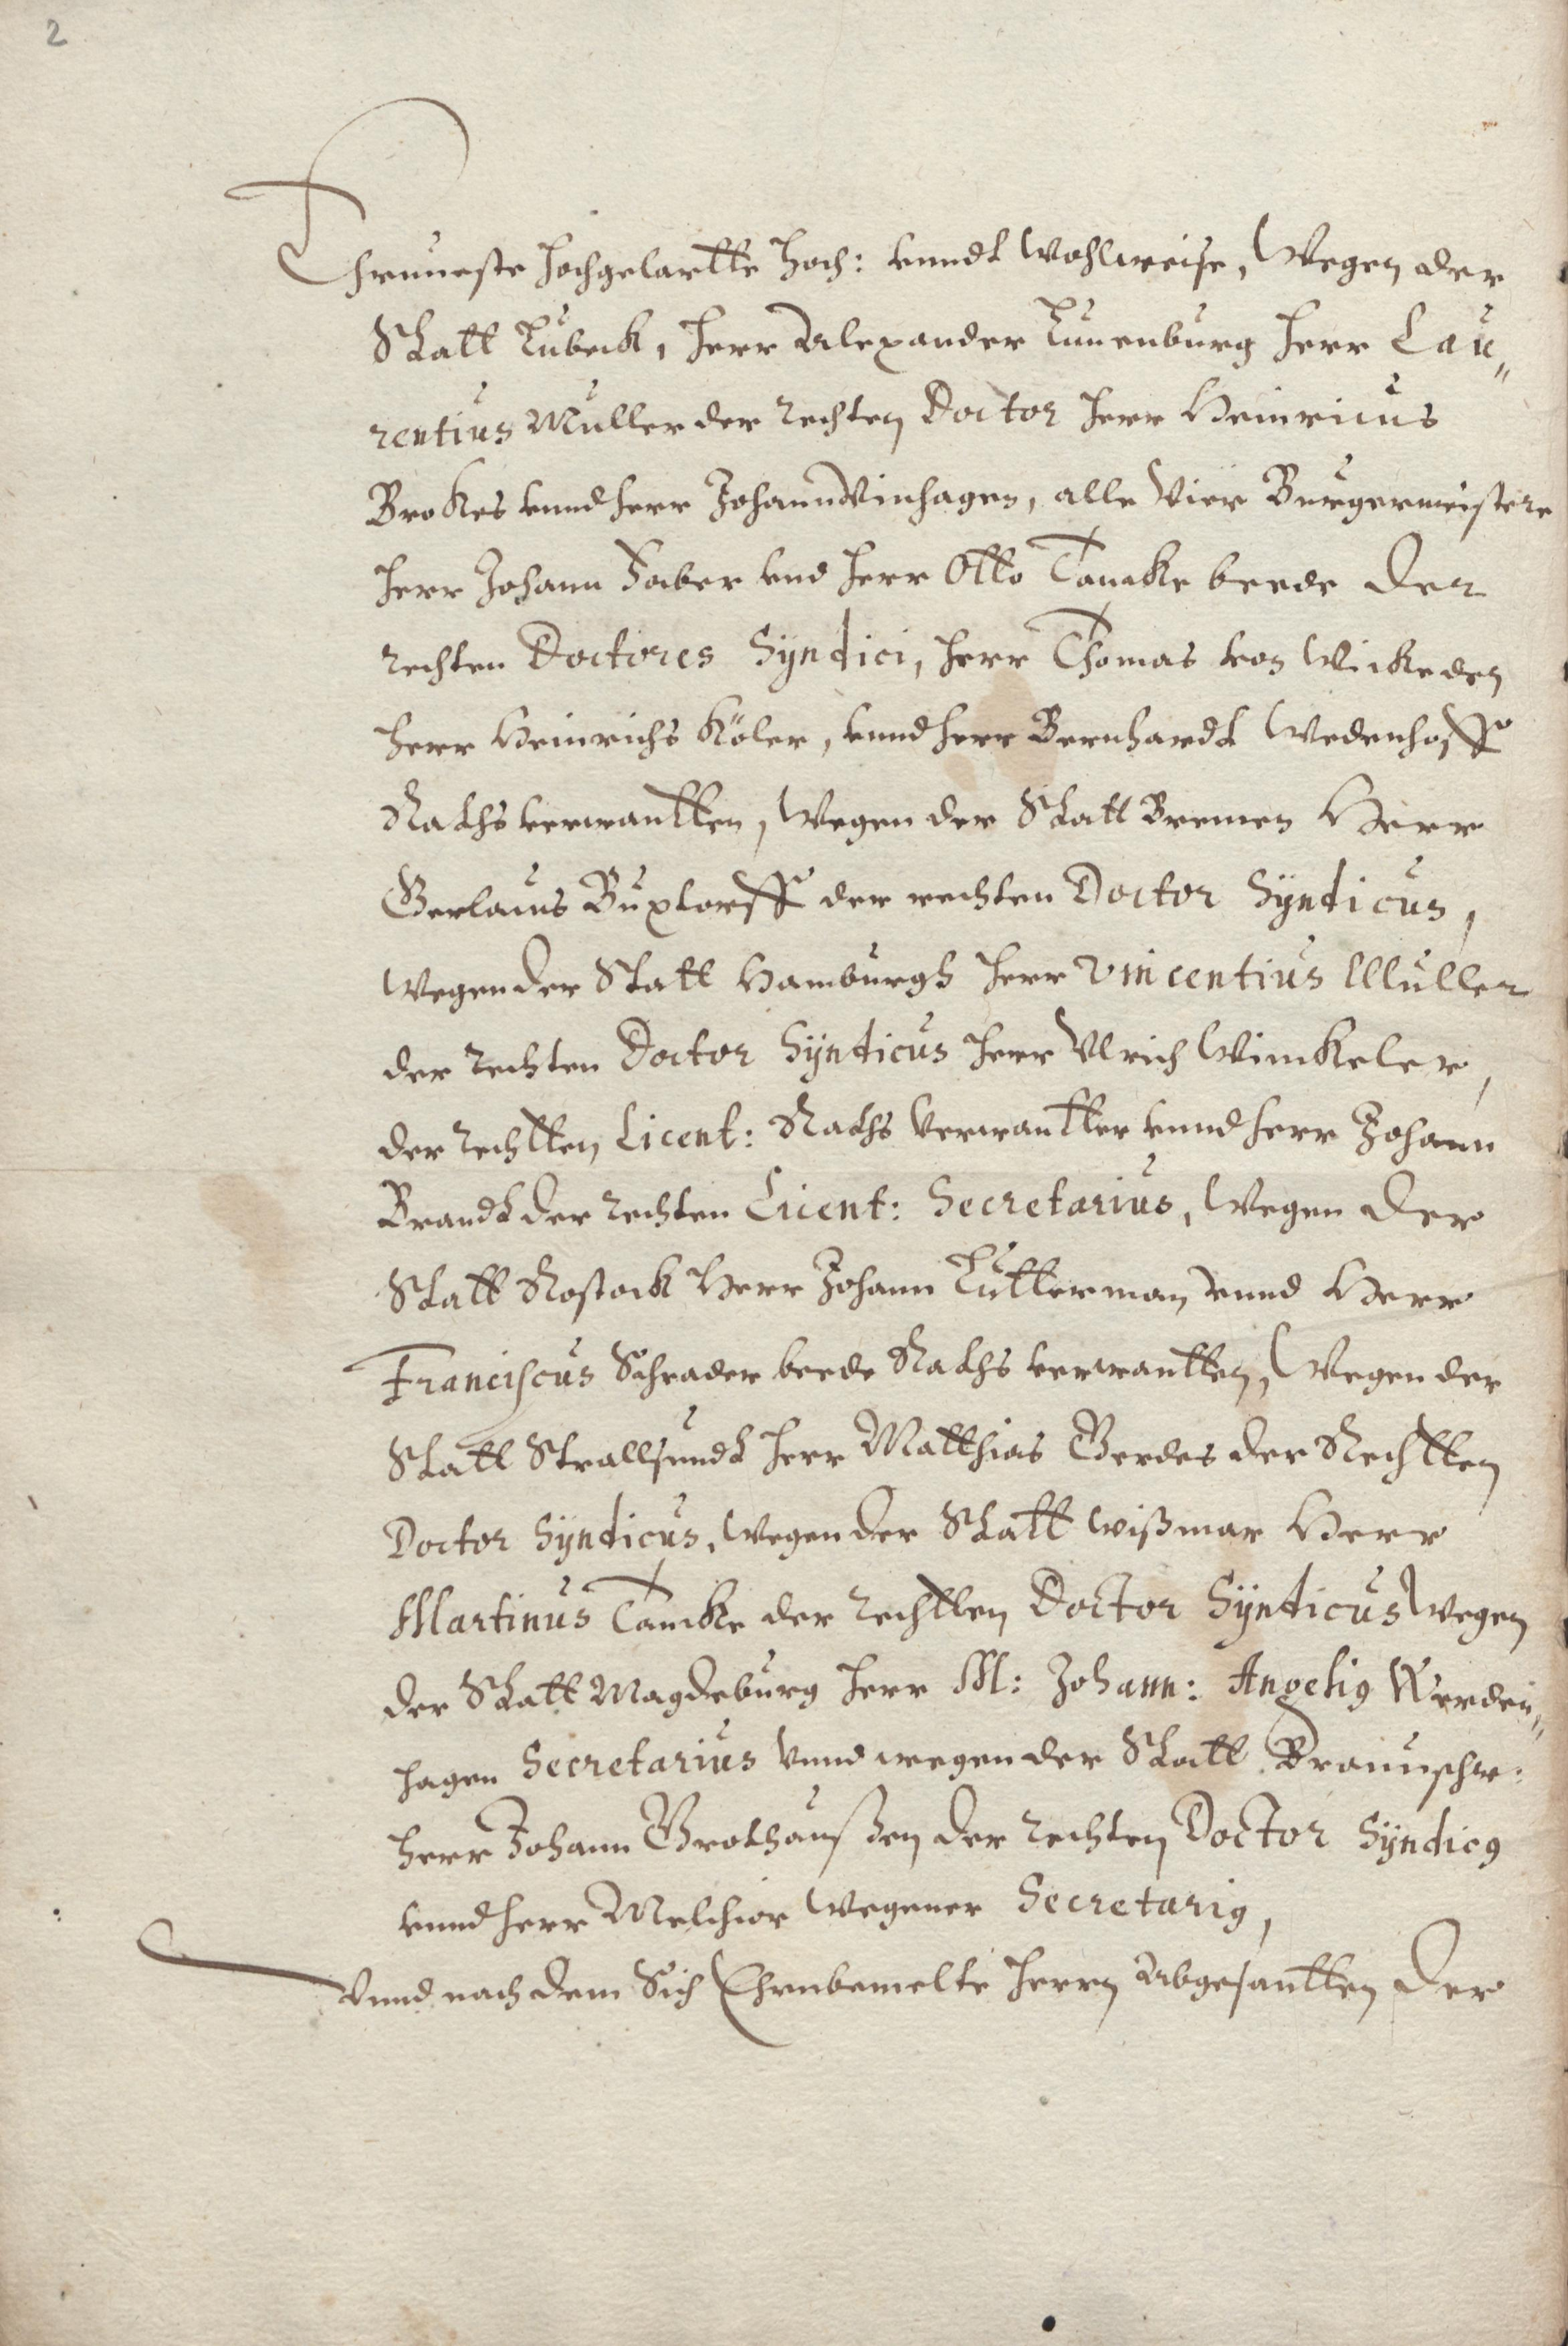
Ehrnueste hochgelartte hoch: vnndt wohlweise, wegen der
Statt Lubeck, Herr Alexander Lunenburg Herr Lau-
rentius Muller der Rechten Doctor Herr Heinricus
Brokes vnnd Herr Johann Vinhagen, alle Vier Burgermeister
Herr Johann Faber vnd Herr Otto Tancke beede der
rechten Doctores Sijndici, Herr Thomas von Wickeden
Herr Heinrichs Köler, vnd Herr Bernhardt Wedenhoff
Raths verwantten, wegen der Statt Bremen Herr
Gerlaus Buxtorff der rechten Doctor Sijndicus,
wegen der Statt Hamburgh Herr Vincentius Muller
der Rechten Doctor Sijndicus Herr Vlrich Winckeler,
der Rechten Licent: Raths verwantter vnnd Herr Johann
Brandt der Rechten Licent: Secretarius, Wegen der
Statt Rostock Herr Johann Lutterman, vnnd herr
Franciscus Schrader beede Raths verwantten, wegen der
Statt Strallsundt Herr Matthias Gerdes der Rechtten
Doctor Sijndicus, Wegen der Statt Wißmar Herr
Martinus Tancke der Rechtten Doctor Sijndicus wegen
der Statt Magdeburg Herr M: Johann: Angelius Werden¬
hagen Secretarius vnnd wegen der Statt Braunschweig
Herr Johann Grothaußen der Rechten Doctor Sijndicus
vnnd Herr Melchior Wegener Secretarius,
Vnnd nach dem sich Ehrnbemelte herrn Abgesantten der
